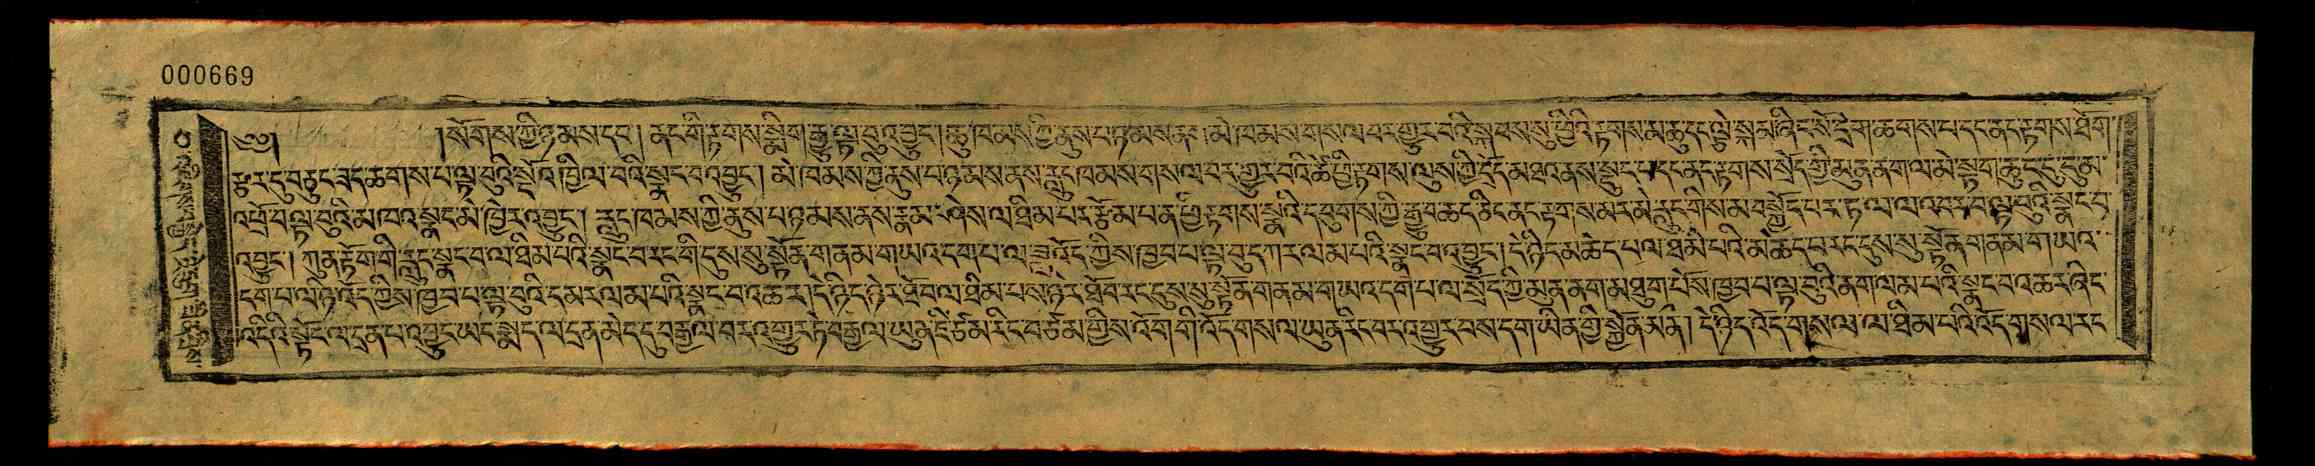༄༅། །སོགས་ཀྱི་ཉམས་དང་། ནང་གི་རྟགས་སྨིག་རྒྱུ་ལྟ་བུ་འབྱུང་། ཆུ་ཁམས་ཀྱི་ནུས་པ་ཉམས་ནས་མེ་ཁམས་གསལ་བར་གྱུར་པའི་སྐབས་སུ་ཕྱིའི་རྟགས་མཆུ་དང་ལྕེ་སྐམ་ཞིང་སོ་དྲེག་ཆགས་པ་དང་ནང་རྟགས་ཐོག་
རྩར་དུ་བ་ཅུང་ཟད་ཆགས་པ་ལྟ་བུའི་སྔོ་འཁྱིལ་བའི་སྣང་བ་འབྱུང་། མེ་ཁམས་ཀྱི་ནུས་པ་ཉམས་ནས་རླུང་ཁམས་གསལ་བར་གྱུར་པའི་ཚེ་ཕྱི་རྟགས་ལུས་ཀྱི་དྲོད་མཐའ་ནས་སྡུད་པ་དང་ནང་རྟགས་སྲོད་ཀྱི་མུན་ནག་ལ་མེ་སྟག་ཆུང་ངུ་དུ་མ་
འཕྲོ་བ་ལྟ་བུའི་མཁའ་སྣང་མེ་ཁྱེར་འབྱུང་། རླུང་ཁམས་ཀྱི་ནུས་པ་ཉམས་ནས་རྣམ་ཤེས་ལ་ཐིམ་པར་རྩོམ་པ་ན་ཕྱི་རྟགས་སྣའི་དབུགས་ཀྱི་རྒྱུ་བ་ཆད་ཅིང་ནང་རྟགས་མར་མེ་རླུང་གིས་མ་བསྐྱོད་པར་ཏ་ལ་ལ་འབར་བ་ལྟ་བུའི་སྣང་བ་
འབྱུང་། ཀུན་རྟོག་གི་རླུང་སྣང་བ་ལ་ཐིམ་པའི་སྣང་བ་རང་གི་དུས་སུ་སྟོན་གནམ་གཡའ་དག་པ་ལ་ཟླ་འོད་ཀྱིས་ཁྱབ་པ་ལྟ་བུ་དཀར་ལམ་པའི་སྣང་བ་འབྱུང་། དེ་ཉིད་མཆེད་པ་ལ་ཐིམ་པའི་མཆེད་པ་རང་དུས་སུ་སྟོན་གནམ་གཡའ་
དག་པ་ལ་ཉི་འོད་ཀྱིས་ཁྱབ་བ་ལྟ་བུའི་དམར་ལམ་པའི་སྣང་བ་འཆར། དེ་ཉིད་ཉེར་ཐོབ་ལ་ཐིམ་པས་ཉེར་ཐོབ་རང་དུས་སུ་སྟོན་གནམ་གཡའ་དག་པ་ལ་སྲོད་ཀྱི་མུན་ནག་མཐུག་པོས་ཁྱབ་པ་ལྟ་བུའི་ནག་ལམ་པའི་སྣང་བ་འཆར་ཞིང་
འདིའི་སྟོད་ལ་དྲན་པ་འབྱུང་ཡང་སྨད་ལ་དྲན་མེད་དུ་བརྒྱལ་བར་འགྱུར་ཏེ་བརྒྱལ་ཡུན་ཇི་ཙམ་རིང་བ་ཙམ་གྱིས་འོག་གི་འོད་གསལ་ཡུན་རིང་བར་འགྱུར་བས་དགེ་ཡིན་གྱི་སྐྱོན་མིན། དེ་ཉིད་འོད་གསལ་ལ་ཐིམ་པའི་འོད་གསལ་རང་